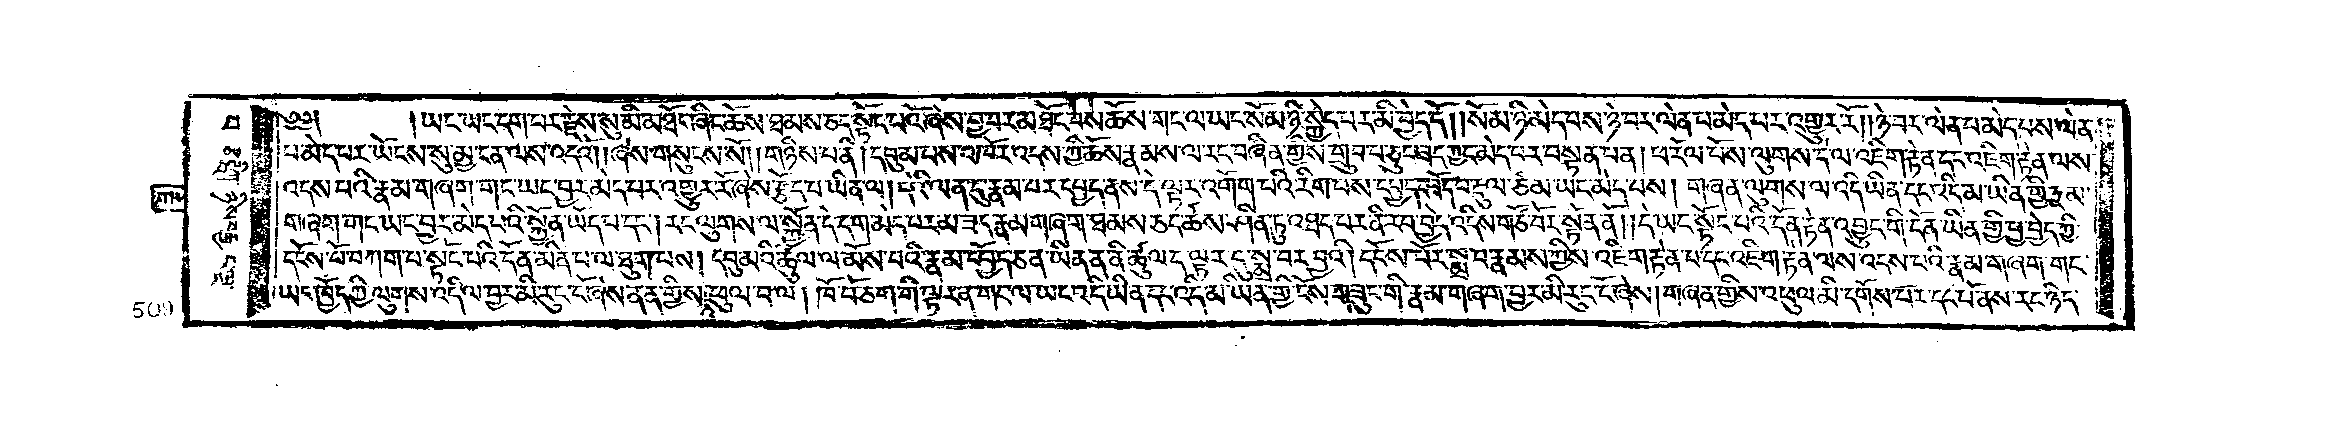༄༅། །ཡང་ཡང་དག་པར་རྗེས་སུ་མི་མཐོང་ཞིང་ཆོས་ཐམས་ཅད་སྟོང་པའོ་ཞེས་བྱ་བར་མཐོང་བས་ཆོས་གང་ལ་ཡང་སོམ་ཉི་སྐྱེད་པར་མི་བྱེད་དོ། །སོམ་ཉི་མེད་པས་ཉེ་བར་ལེན་པ་མེད་པར་འགྱུར་རོ། །ཉེ་བར་ལེན་པ་མེད་པས་ལེན་
པ་མེད་པར་ཡོངས་སུ་མྱ་ངན་ལས་འདའོ། །ཞེས་གསུངས་སོ། །གཉིས་པ་ནི། དབུ་མ་པས་འཁོར་འདས་ཀྱི་ཆོས་རྣམས་ལ་རང་བཞིན་གྱིས་གྲུབ་པ་ཅུང་ཟད་ཀྱང་མེད་པར་བསྟན་པ་ན། ཕ་རོལ་པོས་ལུགས་དེ་ལ་འཇིག་རྟེན་དང་འཇིག་རྟེན་ལས་
འདས་པའི་རྣམ་གཞག་གང་ཡང་བྱར་མེད་པར་འགྱུར་རོ་ཞེས་རྩོད་པ་ཡིན་ལ། དེའི་ལན་དུ་རྣམ་པར་དཔྱད་ནས་དེ་ལྟར་འགོག་པའི་རིག་པས་དཔྱད་བཟོད་པ་རྡུལ་ཙམ་ཡང་མེད་པས། གཞན་ལུགས་ལ་འདི་ཡིན་དང་འདི་མ་ཡིན་གྱི་རྣམ་
གཞག་གང་ཡང་བྱར་མེད་པའི་སྐྱོན་ཡོད་པ་དང་། རང་ལུགས་ལ་སྐྱོན་དེ་དག་མེད་པར་མ་ཟད་རྣམ་གཞག་ཐམས་ཅད་ཆོས་ཤིན་ཏུ་འཐད་པར་ནི་རབ་བྱེད་འདིས་གཙོ་བོར་སྟོན་ནོ། །དེ་ཡང་སྟོང་པའི་དོན་རྟེན་འབྱུང་གི་དོན་ཡིན་གྱི་བྱ་བྱེད་ཀྱི་
དངོས་པོ་བཀག་པ་སྟོང་པའི་དོན་མིན་པ་ལ་ཐུག་པས། དབུ་མའི་ཚུལ་ལ་མོས་པའི་རྣམ་དཔྱོད་ཅན་ཡིན་ན་ནི་ཚུལ་དེ་ལྟར་དུ་སྨྲ་བར་བྱའོ། དངོས་པོར་སྨྲ་བ་རྣམས་ཀྱིས་འཇིག་རྟེན་པ་དང་འཇིག་རྟེན་ལས་འདས་པའི་རྣམ་གཞག་གང་
ཡང་ཁྱོད་ཀྱི་ལུགས་འདི་ལ་བྱར་མི་རུང་ངོ་ཞེས་ནན་གྱིས་འཕུལ་བ་ལ། ཁོ་བོ་ཅག་གི་ལྟར་ན་གང་ལ་ཡང་འདི་ཡིན་དང་འདི་མ་ཡིན་གྱི་ངེས་གཟུང་གི་རྣམ་གཞག་བྱར་མི་རུང་ངོ་ཞེས། གཞན་གྱིས་འཕུལ་མི་དགོས་པར་དང་པོ་ནས་རང་ཉིད་